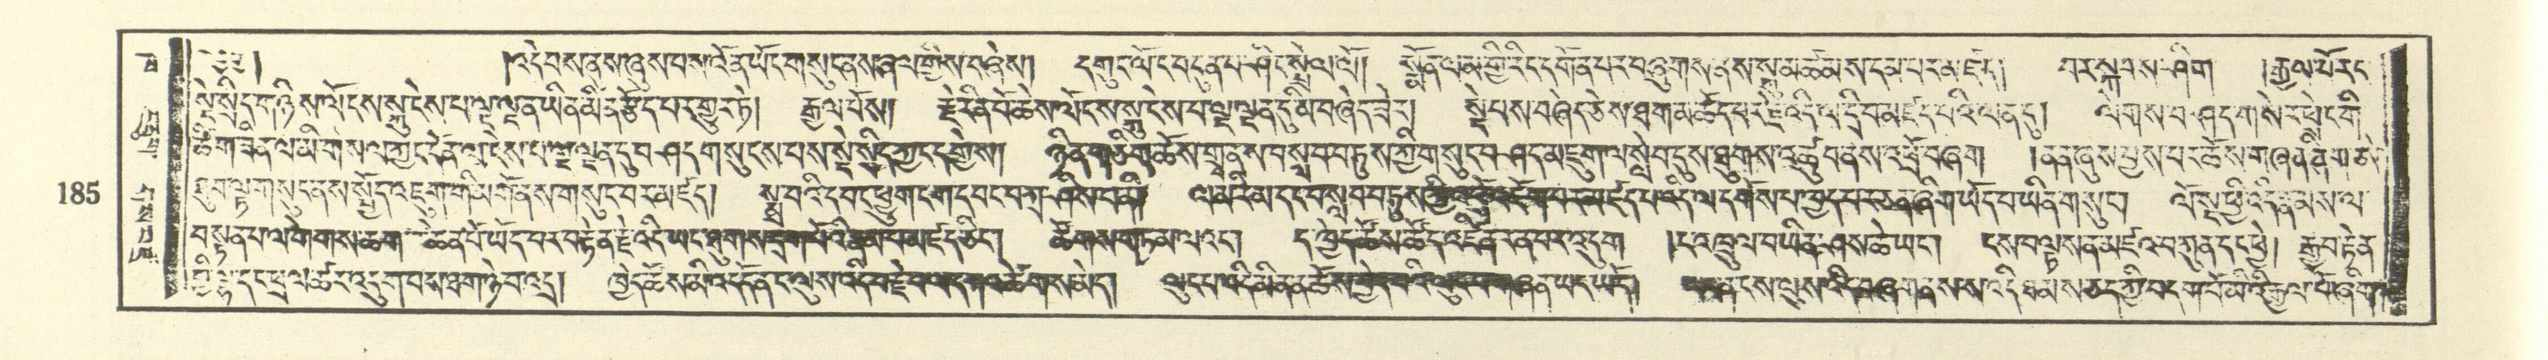༄༅། །འདེ་བས་ནུས་ཞུས་པས་འོན་ཡོད་གསུང་ནས་ཞལ་གྱིས་བཞེས། དགུང་ལོང་བདུན་པ་ཤིང་སྤྲེལ་ལོ། སྨོན་ལམ་གྱི་རིང་དགོན་པར་བཞུགས་ནས་སྐུ་མཚམས་དམ་པར་མཛད། བར་སྐབས་ཤིག །རྒྱལ་པོ་དང་
སྔེ་སྲིད་གཉིས་ལོངས་སྐུ་ངེས་པ་ལྔ་ལྡན་ཡིན་མིན་རྩོད་པར་གྱུར་ཏེ། རྒྱལ་བོས། རྗེ་རིན་པོ་ཆེས་ལོངས་སྐུ་ངེས་པ་ལྔ་ལྡན་དུ་མི་བཞེད་ཟེར། སྔེ་པས་བཞེད་ཅེས་ཐག་མ་ཆོད་པར་རྗེ་འདི་ལ་དྲི་བ་མཛད་པའི་ལན་དུ། ལེགས་བཤད་གསེར་ཕྲེང་གི་
ཚིག་ཟིན་ལ་མི་གསལ་ཀྱང་དོན་ལ་ངེས་པ་ལྔ་ལྡན་དུ་བཤད་གསུངས་པས་སྡེ་སྲིད་ཀྱང་དགྱེས། ཉིན་གཅིག་ཆོས་གྲྭ་ནས་བསླབ་བཏུས་ཀྱི་གསུང་བཤད་མཇུག་ལ་སླེབ་དུས་ཐུགས་འཚུབ་ནས་འཕྲོ་བཞག །ནན་ཞུས་བྱས་པར་ཆོས་གཞན་ཞིག་ཨེ་
ཐུབ་ལྟ་གསུང་ནས་སྤྱོད་འཇུག་གི་མགོ་ནས་གསུང་བར་མཛད། སྨྲ་བའི་དབང་ཕྱུག་ངག་དབང་བཀྲ་ཤིས་པ་ནི། ལམ་རིམ་དང་བསླབ་བཏུས་ཀྱི་འཕྲོ་འཇོག་པར་མཛད་པ་འདི་ལ་དགོས་པ་ཁྱད་པར་ཅན་ཞིག་ཡོད་པ་ཡིན་གསུང་། ལོ་སྔ་ཕྱི་འདི་རྣམས་ལ་
བསྟན་པ་ལ་གེགས་ཆག་ཆེན་པོ་ཡོད་པར་བརྟེན་རྗེ་འདི་ཡང་ཐུགས་དྲག་པོའི་རྣམ་པ་མཛད་ཅིང་། ཚོགས་གཏམ་ལའང་། ད་ཁྱེད་ཚོས་ཚོད་འཛིན་རན་པར་འདུག །ང་འཁྲུལ་བ་ཡིན་ཤས་ཆེ་ཡང་། ངས་བལྟས་ན་མཛའ་བ་ཀུན་དང་ཕྱེ། རྒྱབ་རྟེན་
གྱི་ལྷ་དང་ཕྲལ་ཚར་འདུག་བས་ཐག་ཉེ་བ་འདྲ། ཁྱེད་ཚོས་མི་འདོད་ནང་ལུས་འདི་བརྗེ་བ་ལ་དཀའ་ཚེགས་མེད། ལུང་པ་འདི་མིན་ན་ཆོས་བྱེད་པའི་ལུང་པ་གཞན་ཡང་ཡོད། ཡང་ན་ངས་ལུས་འདི་བཞག་ནས་ས་འདི་ཐམས་ཅད་ཀྱི་བདག་པོ་མིའི་རྒྱལ་པོ་ཞིག་